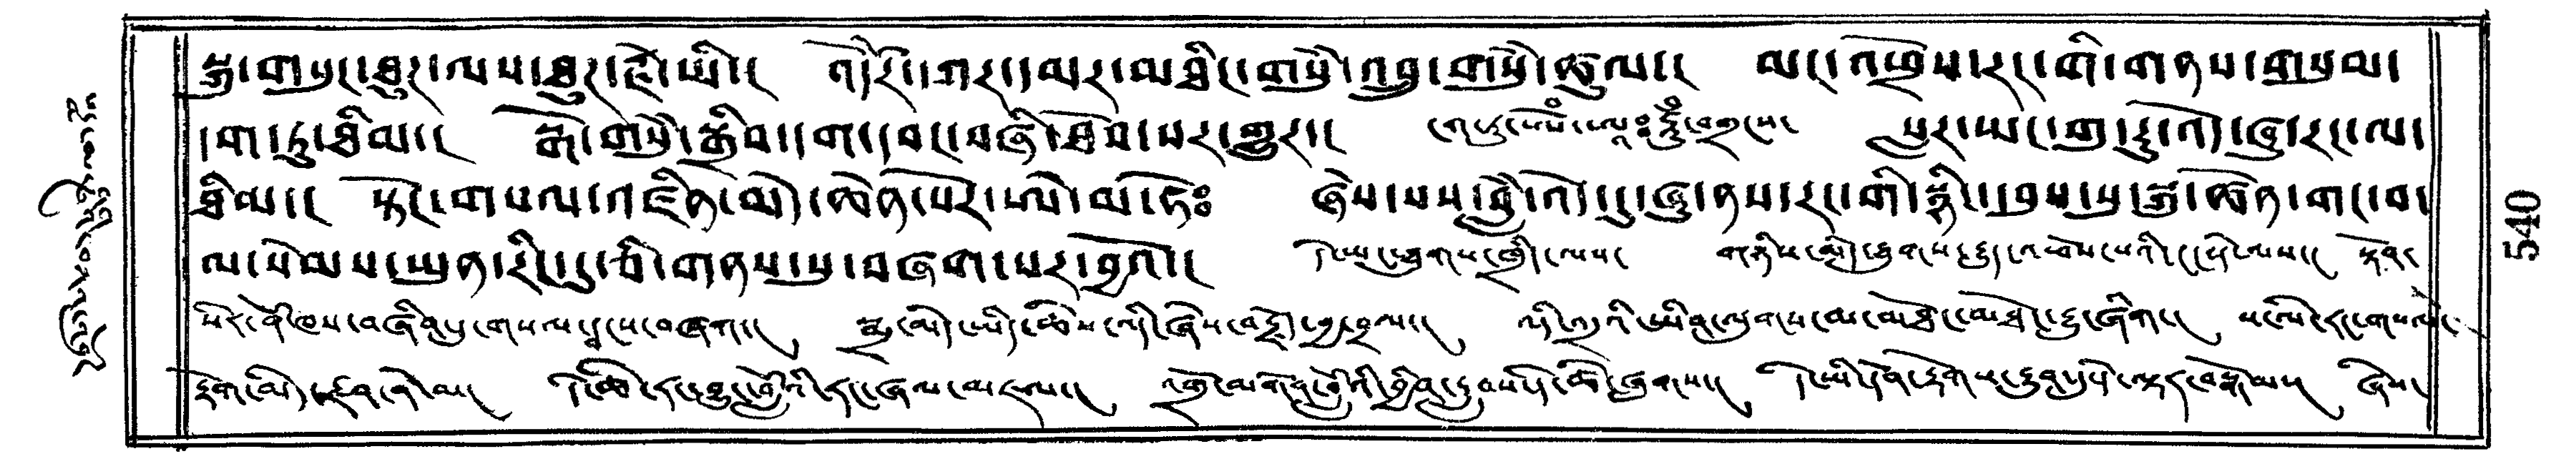སྐུ་གསུང་ཐུགས་ལས་ཐུགས་རྗེ་ཡི། །འོད་ཟེར་དཀར་དམར་མཐིང་གསུམ་འབྲུ་གསུམ་ཚུལ། །མང་འཕྲོས་རང་གི་གནས་གསུམ་
དག་ཏུ་ཐིམ། །སྒོ་གསུམ་སྒྲིབ་དག་དབང་བཞི་ཐོབ་པར་གྱུར། ངག་ཏུ། ཨོཾ་ཨཱཿཧཱུྃ། བགྲང་། སླར་ཡང་གུ་རུ་འོད་ཞུ་རང་ལ་
ཐིམ། །སྟོང་གསལ་འཛིན་མེད་ཆེན་པོར་ཨེ་མ་ཧོཿ ཞེས་པས་བླ་མ་འོད་དུ་ཞུ་ནས་རང་གི་སྙིང་དབུས་སུ་སྐུ་ཚོན་གང་བ་
ལ་སེམས་ཡུན་རིང་ཅི་གནས་སུ་གཞག་པར་བྱའོ། དེ་ཡང་ཐུགས་ཁྲིད་ལས། གཉིས་མེད་ཐུགས་རྒྱུད་འཕོས་པའི་ངང་དེ་ལས། །སྟོན་
སེར་ནམ་མཁའ་བཞིན་དུ་གསལ་དྭངས་གཞག །སྨྲ་མེད་ཡིད་ཆེས་འདི་ཞེས་བརྗོད་བྱ་བྲལ། །འདི་འདྲའི་ཡིན་ལུགས་མ་མཐོང་མཐོང་རྒྱུ་ཞིག།ས་ལེར་རང་གསལ་
རྟོག་མེད་རྗེན་ནེ་བ། དེ་ཚེ་རང་བྱུང་བླ་མའི་རང་ཞལ་མཇལ། །འགྲོ་མགོན་བླ་མའི་བྱིན་རླབས་དེ་ཚེ་ཞུགས། །དེ་ཡི་དོན་རྟོགས་རྒྱུན་དུ་དེ་ལྟར་བསྒོམ། ཞེས་